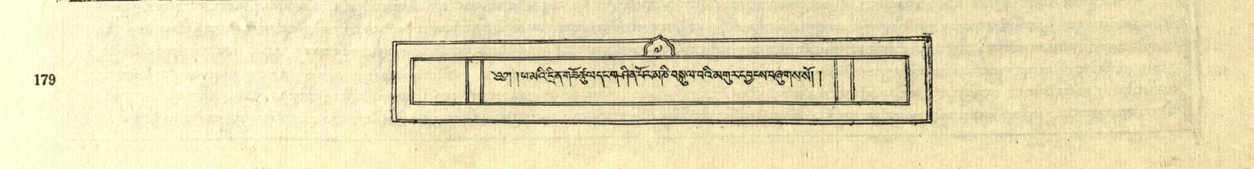༄༅། །ཕ་མའི་དྲིན་གཟོ་ཚུལ་དང་གཤིན་པོར་མ་ཎི་བསྐུལ་བའི་མགུར་དབྱངས་བཞུགས་སོ། །